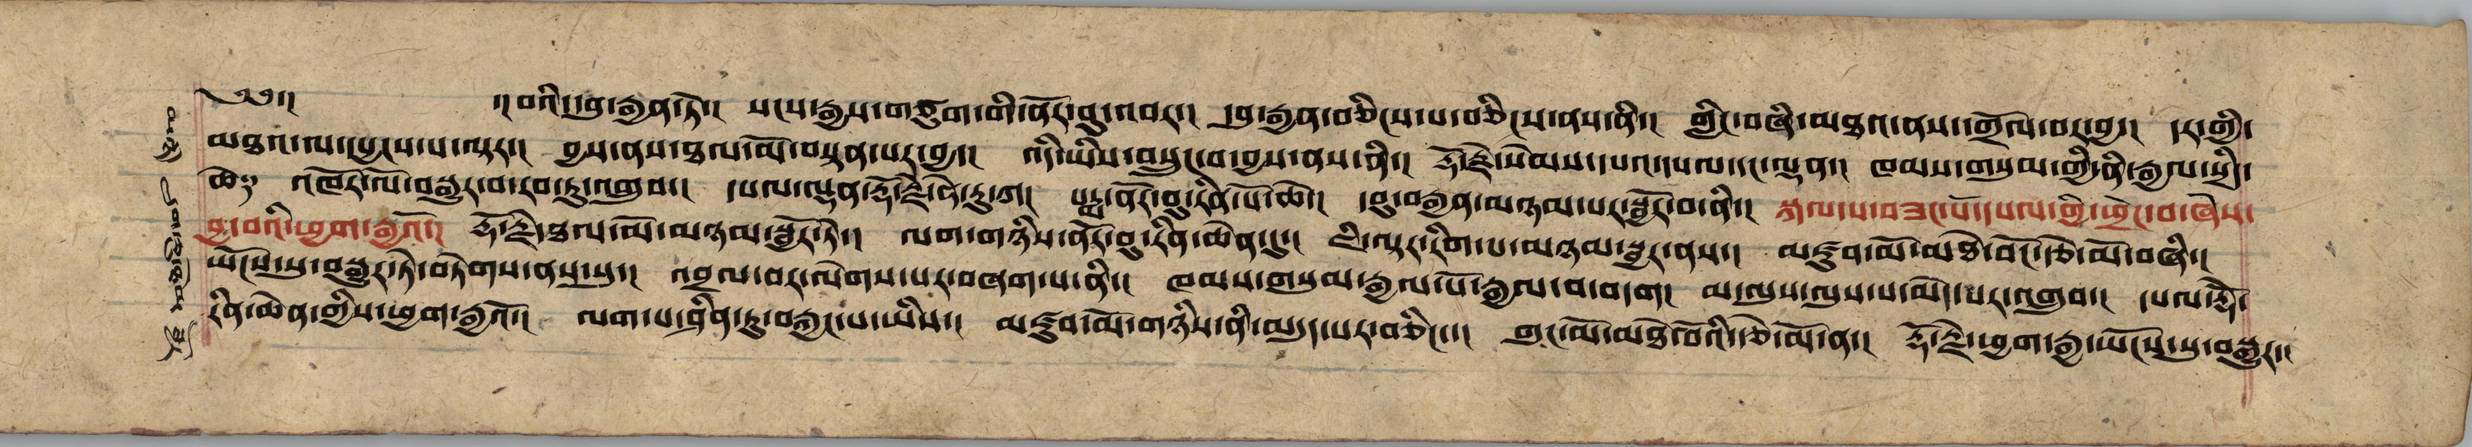༄༅་། ་།བའི་དབུ་རྒྱན་ཏེ་། སངས་རྒྱས་གཙུག་གི་ནོར་བུ་འབར་། དབུ་རྒྱན་བཅིངས་པ་བཅིངས་ནས་ནི་། གླིང་བཞི་མཐའ་ནས་གྲོལ་བར་བྱ་། དར་གྱི་
མཐའ་ལ་དཔྱངས་པ་ལྟར་། བྱས་ནས་ཐལ་མོ་བསྟན་པར་བྱ་། འདི་ཡིས་བསྲུང་བ་བྱས་ནས་ནི་། རྡོ་རྗེ་སེམས་དཔའ་དཔལ་དང་ལྡན་། ཁམས་གསུམ་གྱི་ནི་རྒྱལ་སྲིད་
ཆེ༑ འཁོར་ལོ་བསྒྱུར་བ་རབ་ཏུ་འགྲུབ་། དཔལ་ལྡན་རྡོ་རྗེ་ཧེ་རུ་ཀ་། པདྨ་ནོར་བུ་རིན་པོ་ཆེ་། དབུ་བརྒྱན་མཉམ་པར་སྦྱོར་བ་ནི་། སྐལ་པ་བཟང་པོ་དཔལ་གྱི་ཕྲེང་བ་ཞེས་
བྱ་བའི་ཕྱག་རྒྱའོ་། རྡོ་རྗེ་ཐལ་མོ་མཉམ་སྦྱོར་ཏེ་། ལག་གཉིས་ནོར་བུ་རིན་ཆེན་དུ་། ཇི་ལྟར་རིག་པ་མཉམ་སྦྱར་ནས་། མཛུབ་མོ་མཐེ་བེང་རྩེ་མོ་བཞི་།
ཡོངས་སུ་བསྒྱུར་ཏེ་བཏེགས་ནས་སུ་། འབྲལ་བར་ལེགས་པར་བཞག་པ་ནི་། ཁམས་གསུམ་རྒྱལ་པོ་རྒྱལ་བ་བདག། མ་ལུས་ལུས་པ་མེད་པར་འགྲུབ་། དཔལ་རྡོེ་
རིན་ཆེན་གྱིས་ཕྱག་རྒྱའོ་། ལག་པ་ཤིན་ཏུ་བརྐྱང་པ་ཡིས་། མཛུབ་མོ་གཉིས་ནི་མདུད་པར་བཅིང་་། གུང་མོ་མཐེ་བོའི་རྩེ་མོ་ན་། རྡོ་རྗེ་ཕྱག་རྒྱ་ཡོངས་སུ་བསྒྱུར་།